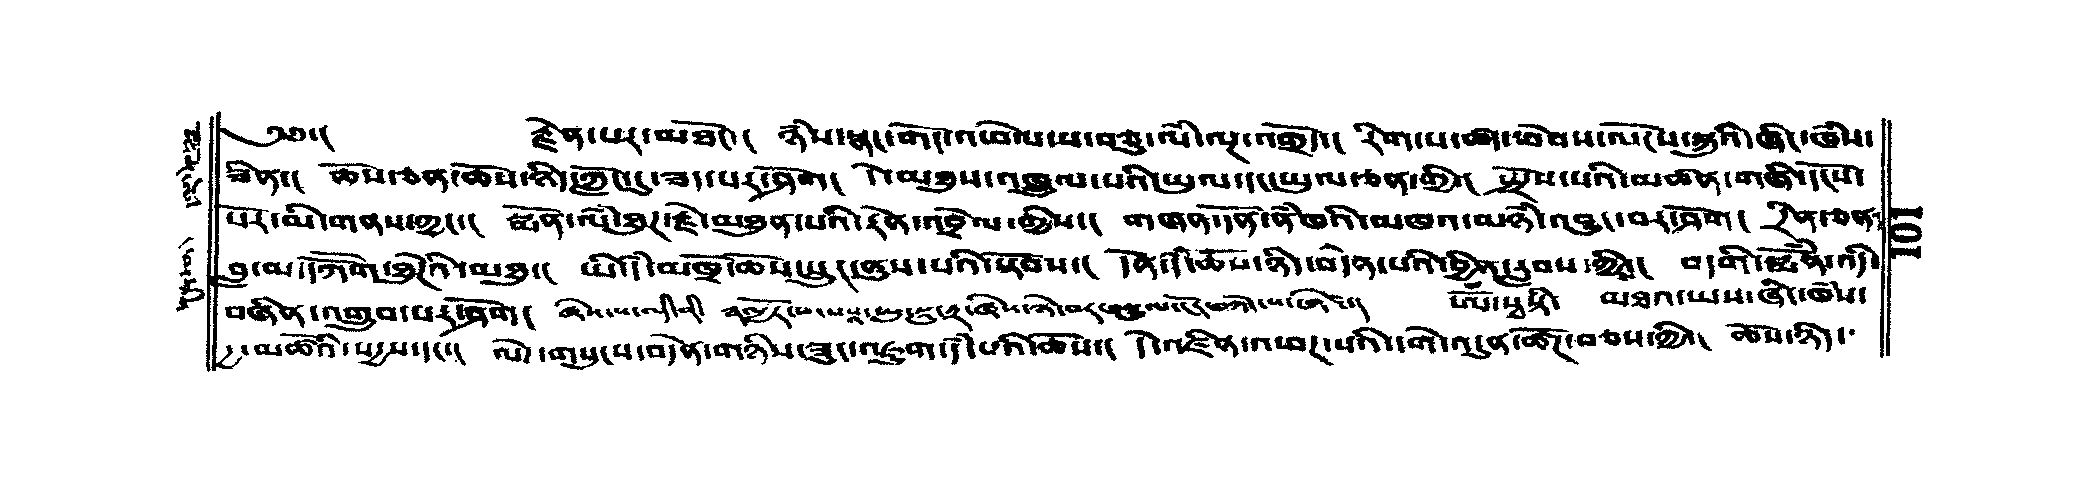རྗེན་པར་མཐོང་། །ཉམས་སྣང་གོང་འཕེལ་ས་བཅུ་ལམ་ལྔ་འགྲོད། །རིག་པ་ཚད་ཕེབས་ལོངས་སྐུའི་ཞིང་ཁམས་
ཟིན། །ཆོས་ཅན་ཆོས་ཉིད་ཀློང་དུ་ཟད་པར་ཤོག །དེ་མཐུས་འཁྲུལ་པའི་ཡུལ་དང་ཡུལ་ཅན་གྱི། །སྤྲོས་པའི་མཚན་གཞི་དངོས་
པརོ་མི་གནས་ཀྱང་། །སྨོན་ལམ་ཐུགས་རྗེ་མཐུན་པའི་རྟེན་འབྲེལ་གྱིས། །གཞན་དོན་ནམ་མཁའི་མཁའ་མཉམ་འབྱུང་བར་ཤོག།དྲིན་ཅན་
བླ་མ་དཀོན་མཆོག་ཐུགས་རྗེའི་མཐུ། །ཡི་དམ་མཁའ་འགྲོ་ཆོས་སྲུང་ནུས་པའི་སྟོབས། དོན་དམ་ཆོས་ཉིད་བདེན་པའི་བྱིན་རླབས་ཀྱིས། །བདག་གི་སྨོན་ལམ་འདི་
བཞིན་འགྲུབ་པར་ཤོག ཅེས་པ་འདི་ནི་རྣམ་འབྱོར་པ་ཨཱ་ཡུ་པཱུ་ཏྲ་ཞེས་བས་ཉེ་བར་བསྐུལ་ངོར་བཀོད་པ་དགེའོ།། ཨོཾ་སྭསྟི། མཐའ་ཡས་ཞིང་ཁམས་
རྒྱ་མཚོའི་སངས་རྒྱས་དང་། །ལེགས་གསུངས་བདེན་གཉིས་ཟུང་འཇུག་དམ་པའི་ཆོས། དེ་འཛིན་འཕགས་པའི་དགེ་འདུན་ཚོགས་བཅས་ཀྱི། །ཆོས་ཉིད་